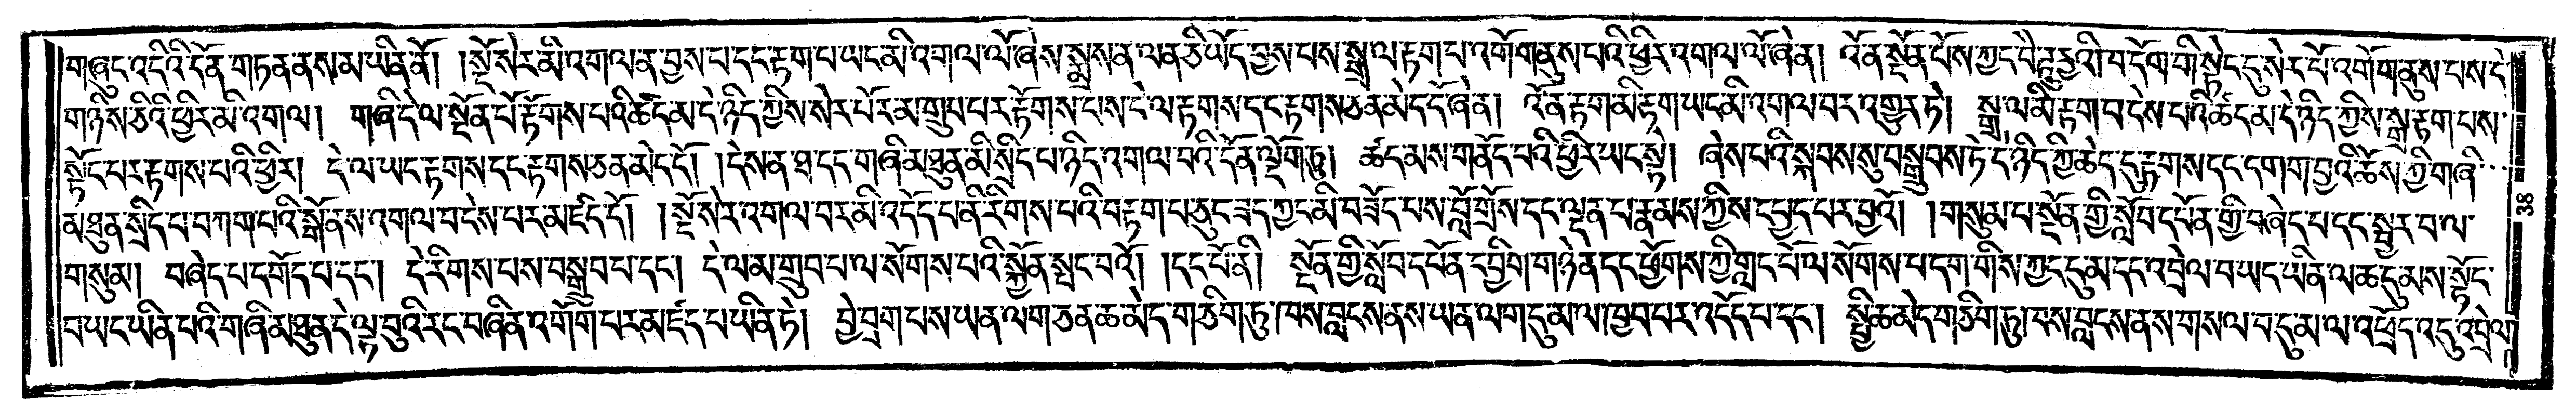གཞུང་འདིའི་དོན་གཏན་ནས་མ་ཡིན་ནོ། །སྔོ་སེར་མི་འགལ་ན་བྱས་པ་དང་རྟག་པ་ཡང་མི་འགལ་ལོ་ཞེས་སྨྲས་ན་ལན་ཅི་ཡོད་བྱས་པས་སྒྲ་ལ་རྟག་པ་འགོག་ནུས་པའི་ཕྱིར་འགལ་ལོ་ཞེ་ན། འོ་ན་སྔོན་པོས་ཀྱང་བཻ་ཌཱུ་རྱའི་ཁ་དོག་གི་སྟེང་དུ་སེར་པོ་འགོག་ནུས་པས་དེ་
གཉིས་ཅིའི་ཕྱིར་མི་འགལ། གཞི་དེ་ལ་སྔོན་པོ་རྟོགས་པའི་ཚད་མ་དེ་ཉིད་ཀྱིས་སེར་པོར་མ་གྲུབ་པར་རྟོགས་པས་ངེ་ལ་རྟགས་དང་རྟགས་ཅན་མེད་དོ་ཞེ་ན། འོ་ན་རྟག་མི་རྟག་ཡང་མི་འགལ་བར་འགྱུར་ཏེ། སྒྲ་ལ་མི་རྟག་པ་ངེས་པའི་ཚད་མ་དེ་ཉིད་ཀྱིས་སྒྲ་རྟག་པས་
སྟོང་པར་རྟགས་པའི་ཕྱིར། དེ་ལ་ཡང་རྟགས་དང་རྟགས་ཅན་མེད་དོ། དེས་ན་ཐ་དད་གཞི་མཐུན་མི་སྲིད་པ་ཉིད་འགལ་བའི་དོན་ལྡོག་ཏུ། ཚད་མས་གནོད་པའི་ཕྱིར་ཡང་སྟེ། ཞེས་པའི་སྐབས་སུ་བསྒྲུབས་ཏེ་དེ་ཉིད་ཀྱི་ཆེད་དུ་རྟགས་དང་དགག་བྱའི་ཆོས་ཀྱི་གཞི་
མཐུན་སྲིད་པ་བཀག་པའི་སྒོ་ནས་འགལ་བ་ངེས་པར་མཛད་དོ། །སྔོ་སེར་འགལ་བར་མི་འདོད་པ་ནི་རིགས་པའི་རྟགས་པ་ཅུང་ཟད་ཀྱང་མི་བཟོད་པས་བློ་གྲོས་ལྡན་པ་རྣམས་ཀྱིས་དཔྱད་པར་བྱའོ། །གསུམ་པ་སྔོན་གྱི་སློབ་དཔོན་གྱི་བཞེད་པ་དང་སྦྱར་བ་ལ་
གསུམ། བཞེད་པ་དགོད་པ་དང་། དེ་རིགས་པས་བསྒྲུབ་པ་དང་། དེ་ལ་མ་གྲུབ་པ་ལ་སོགས་པའི་སྐྱོན་སྤང་བའོ། །དང་པོ་ནི། སྔོན་གྱི་སློབ་དཔོན་དབྱིག་གཉེན་དང་ཕྱོགས་ཀྱི་གླང་པོ་ལ་སོགས་པ་དག་གིས་ཀྱང་དུ་མ་དང་འབྲེལ་བ་ཡང་ཡིན་ལ་ཆ་དུ་མས་སྟོང་
བ་ཡང་ཡིན་པའི་གཞི་མཐུན་དེ་ལྟ་བུའི་རང་བཞིན་འགོག་པར་མཛད་པ་ཡིན་ཏེ། བྱེ་བྲག་པས་ཡན་ལག་ཅན་ཆ་མེད་གཅིག་ཏུ་ཁས་བླངས་ནས་ཡན་ལག་ཏུ་མ་ལ་ཁྱབ་པར་འདོད་པ་དང་། སྦྱི་ཆ་མེད་གཅིག་ཏུ་ཁས་བླངས་ནས་གསལ་བ་དུ་མ་ལ་འཕྲོད་འདུ་འབྲེལ་